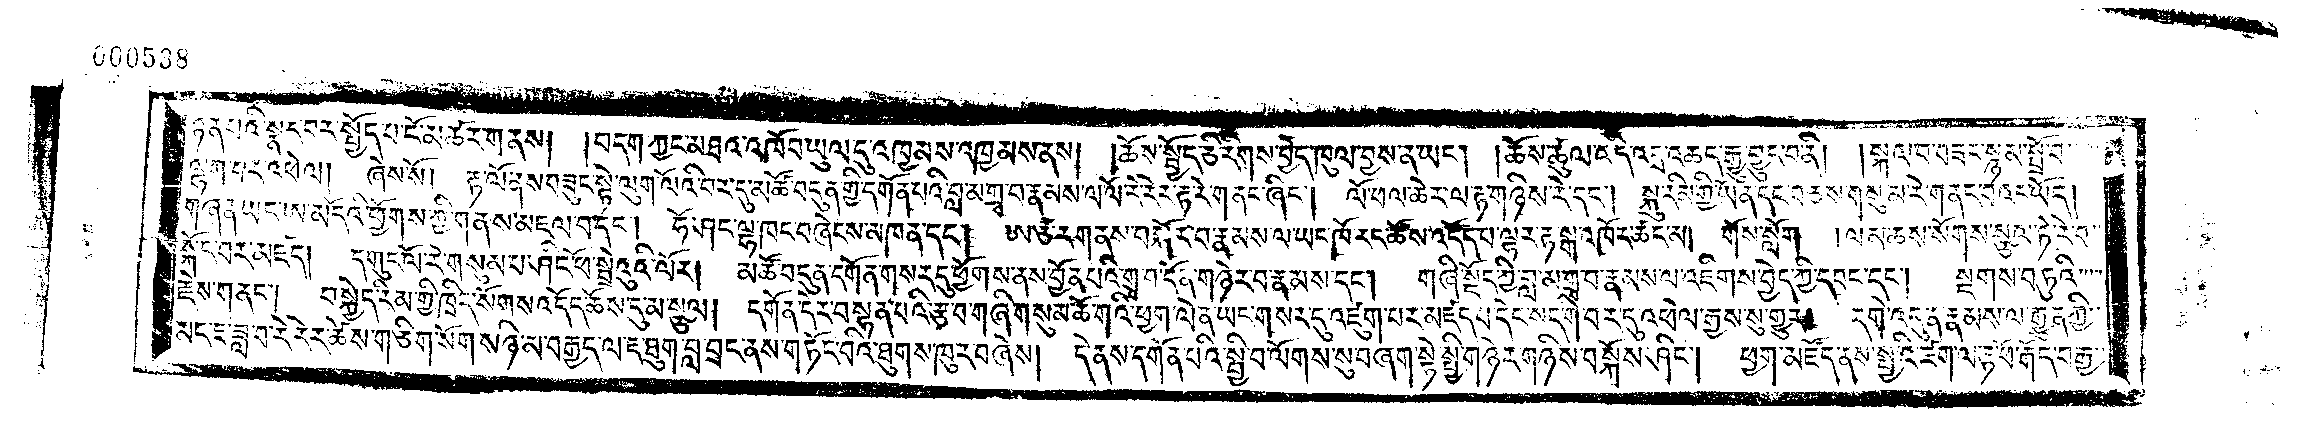ཉན་པའི་སྣང་བར་སྤྱོད་པ་ངོ་མཚར་གནས། །བདག་ཀྱང་མཐའ་འཁོབ་ཡུལ་དུ་འཁྱམས་འཁྱམས་ནས། །ཆོས་སྤྱོད་ཅི་རིགས་བྱེད་ཁུལ་བྱས་ན་ཡང་། །ཆོས་ཚུལ་འདི་འདྲ་འཆད་རྒྱུ་བྱུང་བ་ནི། །སྐལ་བ་བཟང་སྙམ་སྤྲོ་བ་
ལྷག་པར་འཕེལ། ཞེས་སོ། རྟ་ལོ་ནས་བཟུང་སྟེ་ལུག་ལོའི་བར་དུ་མཚོ་བདུན་གྱི་དགོན་པའི་བླ་མ་གྲྭ་པ་རྣམས་ལ་ལོ་རེ་རེར་རྟ་རེ་གནང་ཞིང་། ལོ་ཕལ་ཆེར་ལ་རྟ་གཉིས་རེ་དང་། སྐུ་རིམ་གྱི་ཡོན་དང་བཅས་གསུམ་རེ་གནང་བའང་ཡོད།
གཞན་ཡང་ཨ་མདོའི་ཕྱོགས་ཀྱི་གནས་མཇལ་བ་དང་། ཧོ་ཤང་ལྷ་ཁང་བཞེངས་མཁན་དང་། ཨ་ཙ་ར་གནས་བསྐོར་བ་རྣམས་ལ་ཡང་ཁོ་རང་ཚོས་འདོད་པ་ལྟར་རྟ་སྒ་འཁོར་ཚད་མ། གོས་སློག །ལམ་ཆས་སོགས་སྩལ་ཏེ་རེ་བ་
སྐོང་བར་མཛད། དགུང་ལོ་རེ་གསུམ་པ་ཤིང་ཕོ་སྤྲེའུའི་ལོར། མཚོ་བདུན་དགོན་གསར་དུ་ཕྱོགས་ནས་བྱོན་པའི་གྲྭ་བ་དོན་གཉེར་བ་རྣམས་དང་། གཞི་སྡོད་ཀྱི་བླ་མ་གྲྭ་པ་རྣམས་ལ་འཇིགས་བྱེད་ཀྱི་དབང་དང་། སྔགས་བཏུའི་
རྗེས་གནང་། བསྐྱེད་རིམ་གྱི་ཁྲིད་སོགས་འདོད་ཆོས་དུ་མ་སྩལ། དགོན་དེར་བསྟན་པའི་རྩ་བ་གཞི་གསུམ་ཆོ་གའི་ཕྱག་ལེན་ཡང་གསར་དུ་འཛུག་པར་མཛད་བ་དེང་སང་གི་བར་དུ་འཕེལ་རྒྱས་སུ་གྱུར། དགེ་འདུན་རྣམས་ལ་རྒྱུན་གྱི་
མང་ཇ་ཟླ་བ་རེ་རེར་ཚེས་གཅིག་སོགས་ཉི་མ་བརྒྱད་ལ་ཇ་ཐུག་བླ་བྲང་ནས་གཏོང་བའི་ཐུགས་ཁུར་བཞེས། དེ་ནས་དགོན་པའི་སྤྱི་བ་ལོགས་སུ་བཞག་སྟེ་སྤྱི་གཉེར་གཉིས་བསྐོས་ཤིང་། ཕྱག་མཛོད་ནས་སྤྱི་འཇོག་ལ་རྟ་ཕོ་རྒོད་བརྒྱ་